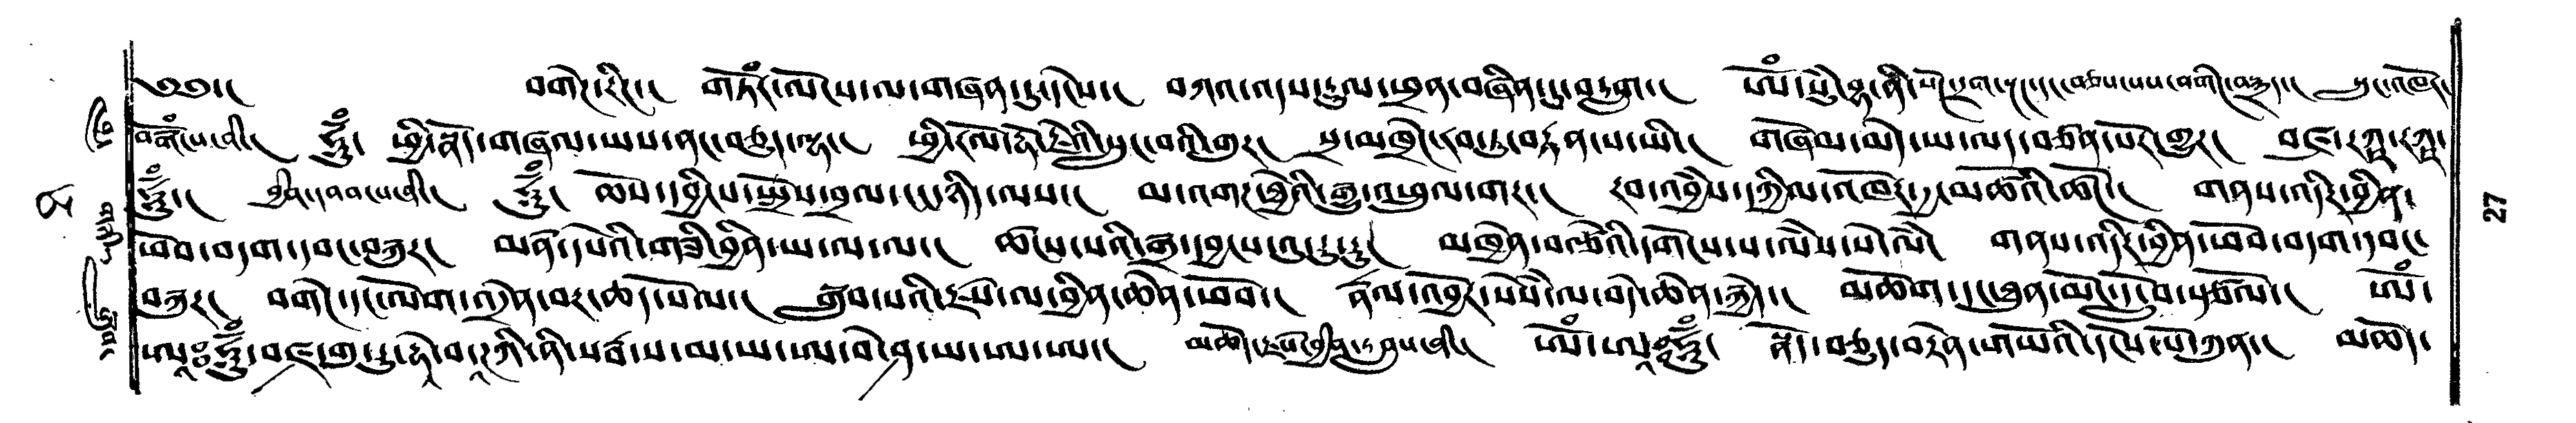བགེགས་རིགས། །གཏོར་མ་ལོངས་ལ་གཞན་དུ་དེངས། །བཀའ་འདས་རྡུལ་ཕྲན་བཞིན་དུ་བརླག ཨོཾ་སུམ་བྷ་ནི༴ སོགས་དྲག་སྔགས་དང་བཅས་པས་བགེགས་བསྐྲད། སྲུང་འཁོར་
བསྒོམ་པ་ནི། ཧཱུྃ། ཕྱི་སྣོད་གཞལ་ཡས་ནང་བཅུད་ལྷ། །ཕྱི་རོལ་རྡོ་རྗེའི་སྲུང་བའི་གུར། །སྲ་མཁྲེགས་རབ་ཏུ་བརྟན་པ་ཡི། །གཞོམ་མེད་ཡ་ལད་བཙན་པོར་གྱུར། །བཛྲ་རཀྵ་རཀྵ་
ཧཱུྃ། བྱིན་དབབ་པ་ནི། ཧཱུྃ། ཆོས་དབྱིངས་སྤྲོས་བྲལ་ངང་ཉིད་ལས། །མ་འགགས་ཐུགས་རྗེའྀ་སྒྱུ་འཕྲུལ་གར། །རབ་འབྱམས་དཀྱིལ་འཁོར་རྒྱ་མཚོའི་ཚོགས། །གནས་འདིར་བྱིན་
ཕོབ་བདག་དབང་སྐུར། །མཚན་དཔེའི་གཟི་བྱིན་ཡ་ལ་ལ། །ཚངས་པའི་སྒྲ་དབྱངས་འུ་རུ་རུ། །མཁྱེན་བརྩེའི་དགོངས་པ་ལམ་སེ་ལམ། །གནས་འདིར་བྱིན་ཕོབ་བདག་དབང་
བསྐུར། །བགེགས་དང་ལོག་འདྲེན་བར་ཆད་སོལ། །སྒྲུབ་པའི་རྫས་ལ་བྱིན་ཆེན་ཕོབ། །རྣལ་འབྱོར་སེམས་ལ་བདེ་ཆེན་སྐྱེད། །མཆོག་དང་ཐུན་མོང་དངོས་གྲུབ་སྩོལ།ཨོཾ་
ཨཱཿཧཱུྃ་བཛྲ་གུ་རུ་དྷཱེ་བ་ཌཱཀྐི་ནི་སརྦ་ས་མ་ཡ་ཨ་བེ་ཤ་ཡ་ཨ་ཨ། མཆོད་རྫས་བྱིན་རླབས་ནི། ཨོཾ་ཨཱཿཧཱུྃ། སྣོད་བཅུད་བརྟན་གཡོའི་དངོས་པོ་ཀུན། །མཆོད་